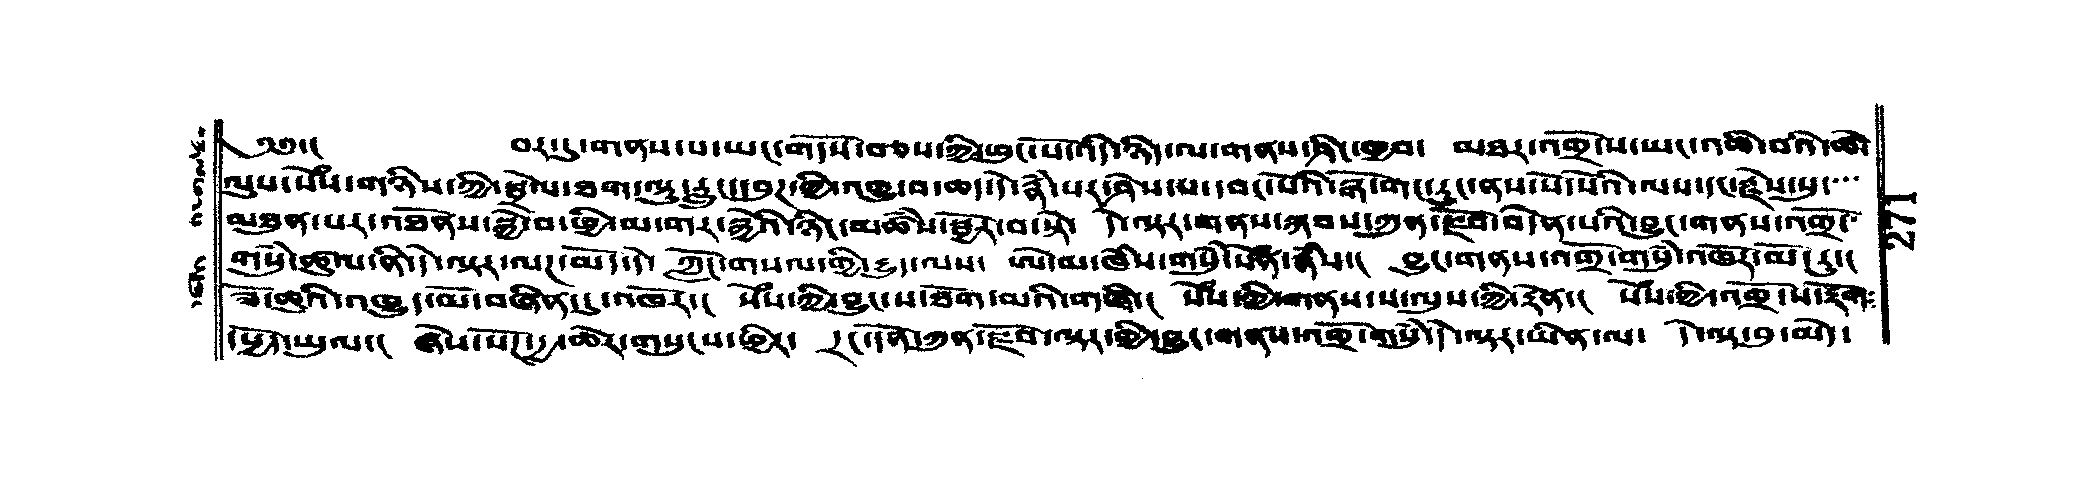བར་དུ་གནས་ས་ཡང་གདོས་བཅས་ཀྱི་ཕུང་པོ་འདི་ཉིད་ལ་གནས་ཤིང་ཁྱབ། མཐར་འགྲོ་ས་ཡང་འཆི་བའི་ཚེ་
ལུས་སེམས་གཉིས་ཀྱི་སྦྲེལ་ཐག་ལྟ་བུ་རླུང་དབུགས་ཀྱི་འགྱུ་བ་ཆད་དེ་རྣམ་པར་ཤེས་པ་དབང་པོའི་སྒོ་གང་རུང་ནས་སོ་སོའི་ལས་དང་རྗེས་སུ་
མཐུན་པར་ཐོན་ནས་སྐྱེ་བ་ཕྱི་མ་གར་སྐྱེའི་ཉིང་མཚམས་སྦྱོར་བ་སྟེ། དེ་ལྟར་གནས་སྐབས་ཀུན་རྫོབ་བདེན་པའི་བྱུང་གནས་འགྲོ་
གསུམ་གྱི་ཚུལ་ནི་དེ་ལྟར་ལགས་མོད་དེ། ཀློང་གསལ་གྱི་རྒྱུད་ལས། ཨེ་མ་ཁམས་གསུམ་སེམས་ཅན་རྣམས། །བྱུང་གནས་འགྲོ་གསུམ་འཁོར་མོ་རུ། །
ཟོ་ཆུའི་འཁྱུད་མོ་བཞིན་དུ་འཁོར། །སེམས་ཀྱི་བྱུང་ས་ཐོག་མའི་གཞི། །སེམས་ཀྱི་གནས་ས་ལུས་ཀྱི་རྟེན།སེམས་ཀྱི་འགྲོ་ས་རྟོག་
དཔྱོད་ཡུལ། ཞེས་སོགས་རྒྱ་ཆེར་གསུངས་ཕྱིར། དྲང་དོན་ཀུན་རྫོབ་ལྟར་གྱི་བྱུང་གནས་འགྲོ་གསུམ་དེ་ལྟར་ཡིན་ལ། དེ་ལྟ་བུ་མེད་